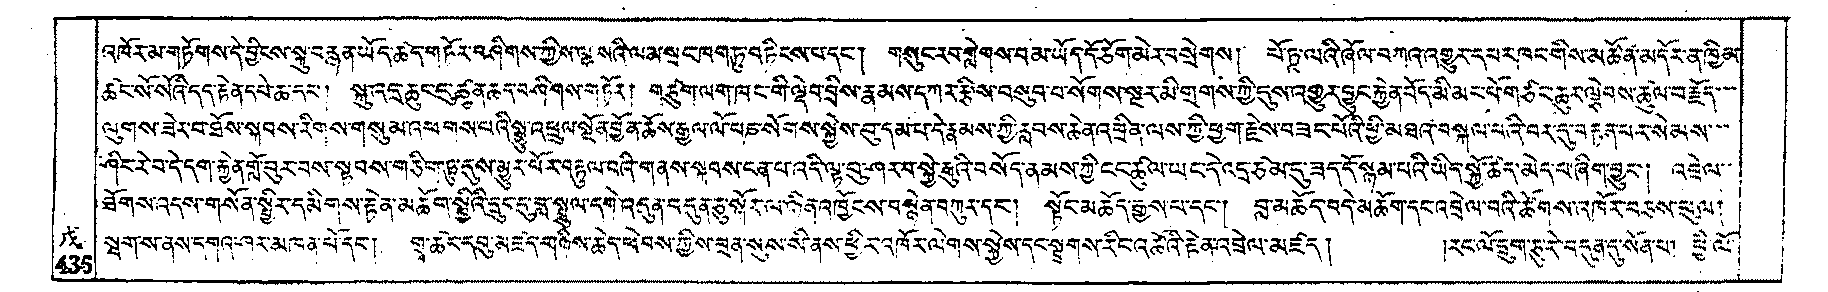འཁོར་མ་གཏོགས་དེ་བྱིངས་སྐུ་བརྙན་ཡོད་ཚད་གཏོར་བཤིགས་ཀྱིས་ལྷ་སའི་ལམ་སྲང་ཁག་ཏུ་བཏིངས་པ་དང་། གསུང་རབ་གླེགས་བམ་ཡོད་དོ་ཅོག་མེར་བསྲེགས། པོ་ཏཱ་ལའི་ཞོལ་བཀའ་འགྱུར་དཔར་ཁང་གིས་མཚོན་མདོར་ན་ཁྱིམ་
ཚང་སོ་སོའི་དད་རྟེན་དཔེ་ཆ་དང་། སྐུ་འདྲ་ཆུང་ངུ་ཚན་ཆད་བཤིགས་གཏོར། གཙུག་ལག་ཁང་གི་ལྡེབ་བྲིས་རྣམས་དཀར་རྩིས་བསུབ་པ་སོགས་སྔར་མི་གྲགས་ཀྱི་དུས་འགྱུར་བྱུང་རྐྱེན་བོད་མི་མང་པོ་གཙང་ཆུར་ལྕེབས་ཚུལ་བརྗོད་
ལུགས་ཟེར་བ་ཐོས་སྐབས་རིགས་གསུམ་འཕགས་པའི་སྒྱུ་འཕྲུལ་སྔོན་བྱོན་ཆོས་རྒྱལ་ལོ་པཎ་སོགས་སྐྱེས་བུ་དམ་པ་དེ་རྣམས་ཀྱི་རླབས་ཆེན་འཕྲིན་ལས་ཀྱི་ཕྱག་རྗེས་བཟང་པོའི་ཕྱི་མཐའ་བསྐལ་པའི་བར་དུ་བརྟན་པར་སེམས་
ཤིང་རེ་བ་དེ་དག་རྐྱེན་གློ་བུར་བས་སྟབས་གཅིག་ཏུ་དུས་མྱུར་པོར་བརྟུལ་བའི་གནས་སྐབས་ངན་པ་འདི་ལྟ་བུ་ཤར་བ་སྐྱེ་རྒུའི་བསོད་ནམས་ཀྱི་ངང་ཚུལ་ཡང་དེ་འདྲ་ཙམ་དུ་ཟད་དོ་སྙམ་པའི་ཡིད་སྐྱོ་ཚད་མེད་པ་ཞིག་བྱུང་། འབྲེལ་
ཐོགས་འདས་གསོན་སྤྱིར་དམིགས་རྟེན་མཆོག་སྤྱིའི་དྲུང་དུ་བླ་སྤྲུལ་དགེ་འདུན་བདུན་ཅུ་སྐོར་ལ་ཉིན་འཁྱོངས་བསྙེན་བཀུར་དང་། སྟོང་མཆོད་རྒྱས་པ་དང་། བླ་མཆོད་བདེ་མཆོག་དང་འབྲེལ་བའི་ཚོགས་འཁོར་བཅས་ཕུལ།
སྤག་ས་ནས་དགའ་ཤར་མཁན་པོ་དང་། གྲྭ་ཚང་དབུ་མཛད་གཉིས་ཆེད་ཕེབས་ཀྱིས་ཕྲན་སུས་སི་ནས་ཕྱིར་འཁོར་ལེགས་སྐྱེས་དང་སྦྲགས་རིང་འཚོའི་རྟེན་འབྲེལ་མཛད། །རང་ལོ་དྲུག་ཅུ་རེ་བདུན་དུ་སོན་པ། ཕྱི་ལོ་